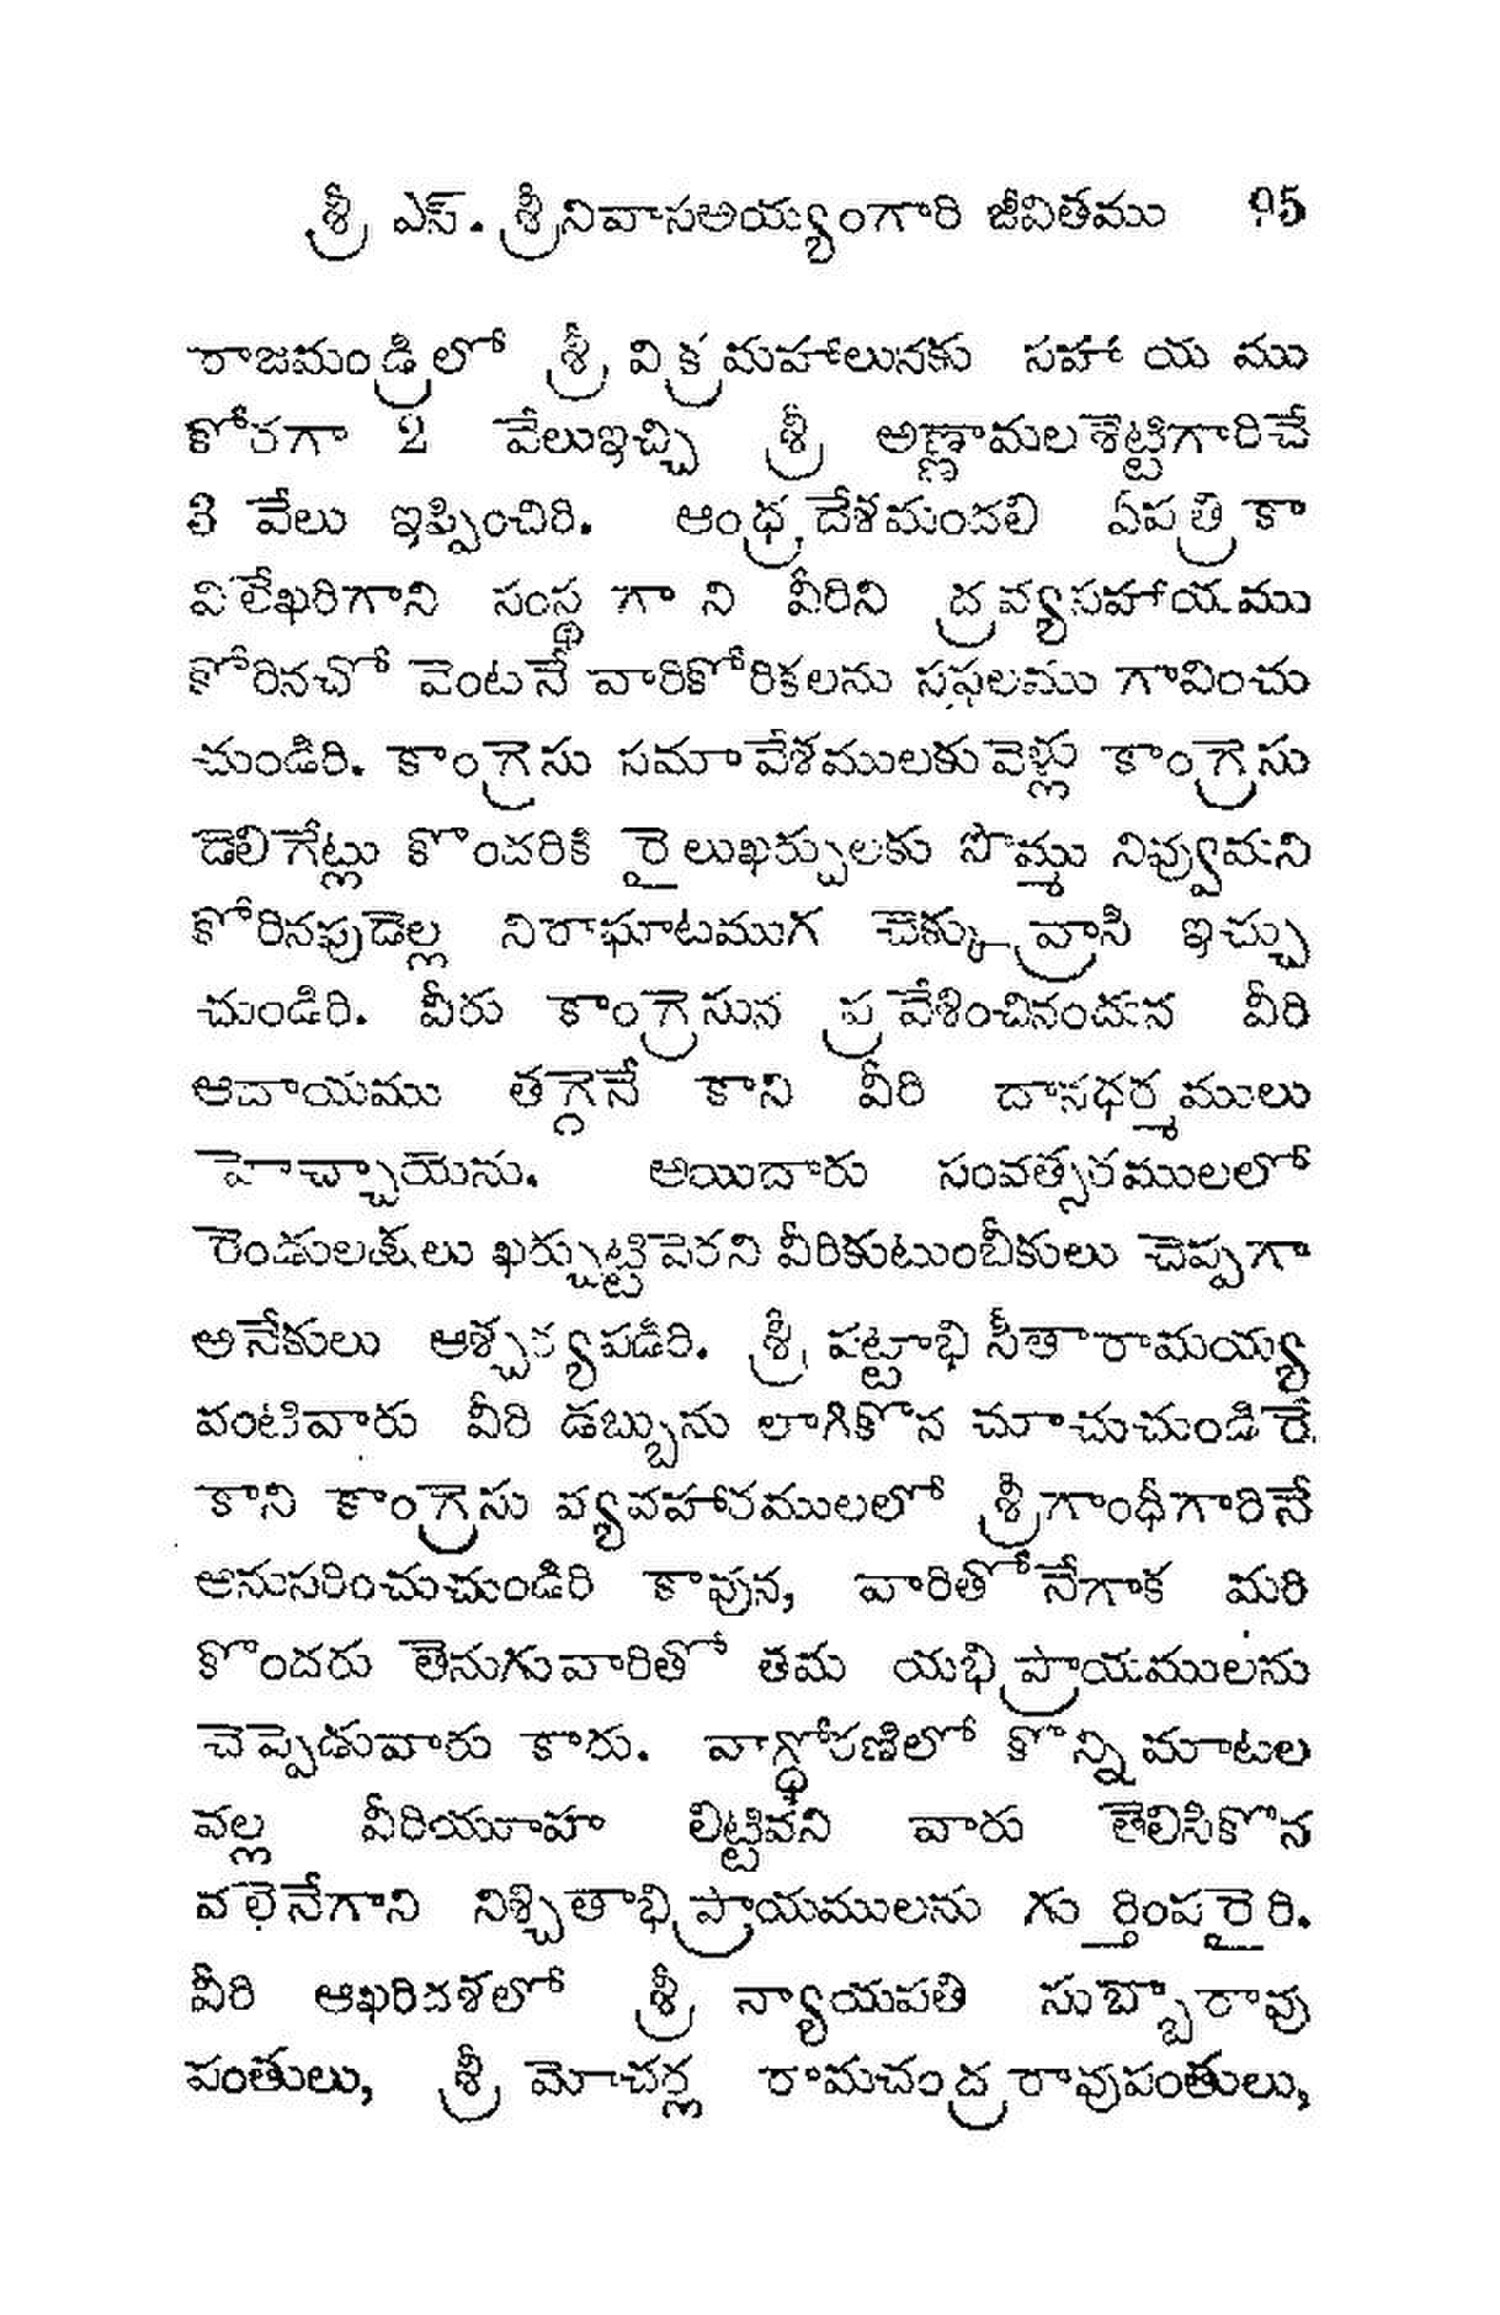రాజమండ్రిలో శ్రీ విక్రమహాలునకు సహాయము కోరగా 2 వేలుఇచ్చి శ్రీ అణ్ణామలశెట్టిగారిచే 3 వేలు ఇప్పించిరి. ఆంధ్రదేశమందలి ఏపత్రికా విలేఖరిగాని సంస్థగాని వీరిని ద్రవ్యసహాయము కోరినచో వెంటనే వారికోరికలను సఫలము గావించు చుండిరి. కాంగ్రెసు సమావేశములకువెళ్లు కాంగ్రెసు డెలిగేట్లు కొందరికి రైలుఖర్చులకు సొమ్ము నివ్వుమని కోరినపుడెల్ల నిరాఘాటముగ చెక్కు వ్రాసి ఇచ్చుచుండిరి. వీరు కాంగ్రెసున ప్రవేశించినందున వీరి ఆదాయము తగ్గెనే కాని వీరి దానధర్మములు హెచ్చాయను. అయిదారు సంవత్సరములలో రెండులక్షలు ఖర్చుపెట్టిరని వీరికుటుంబీకులు చెప్పగా అనేకులు ఆశ్చర్యపడిరి. శ్రీ పట్టాభిసీతారామయ్యవంటివారు వీరి డబ్బును లాగికొన చూచుచుండిరే కాని కాంగ్రెసు వ్యవహారములలో శ్రీ గాంధీగారినే అనుసరించుచుండిరి. కావున, వారితోనేగాక మరికొందరు తెనుగువారితో తమ యభిప్రాయములను చెప్పెడువారు కారు. వాగ్ధోరణిలో కొన్నిమాటల వల్ల వీరియూహ లిట్టివని వారు తేలిసికొనవలెనేగాని నిశ్చితాభిప్రాయములను గుర్తింపరైరి. వీరి ఆఖరిదశలో శ్రీ న్యాయపతి సుబ్బారావు పంతులు, శ్రీ మోచర్ల రామచంద్రరావుపంతులు